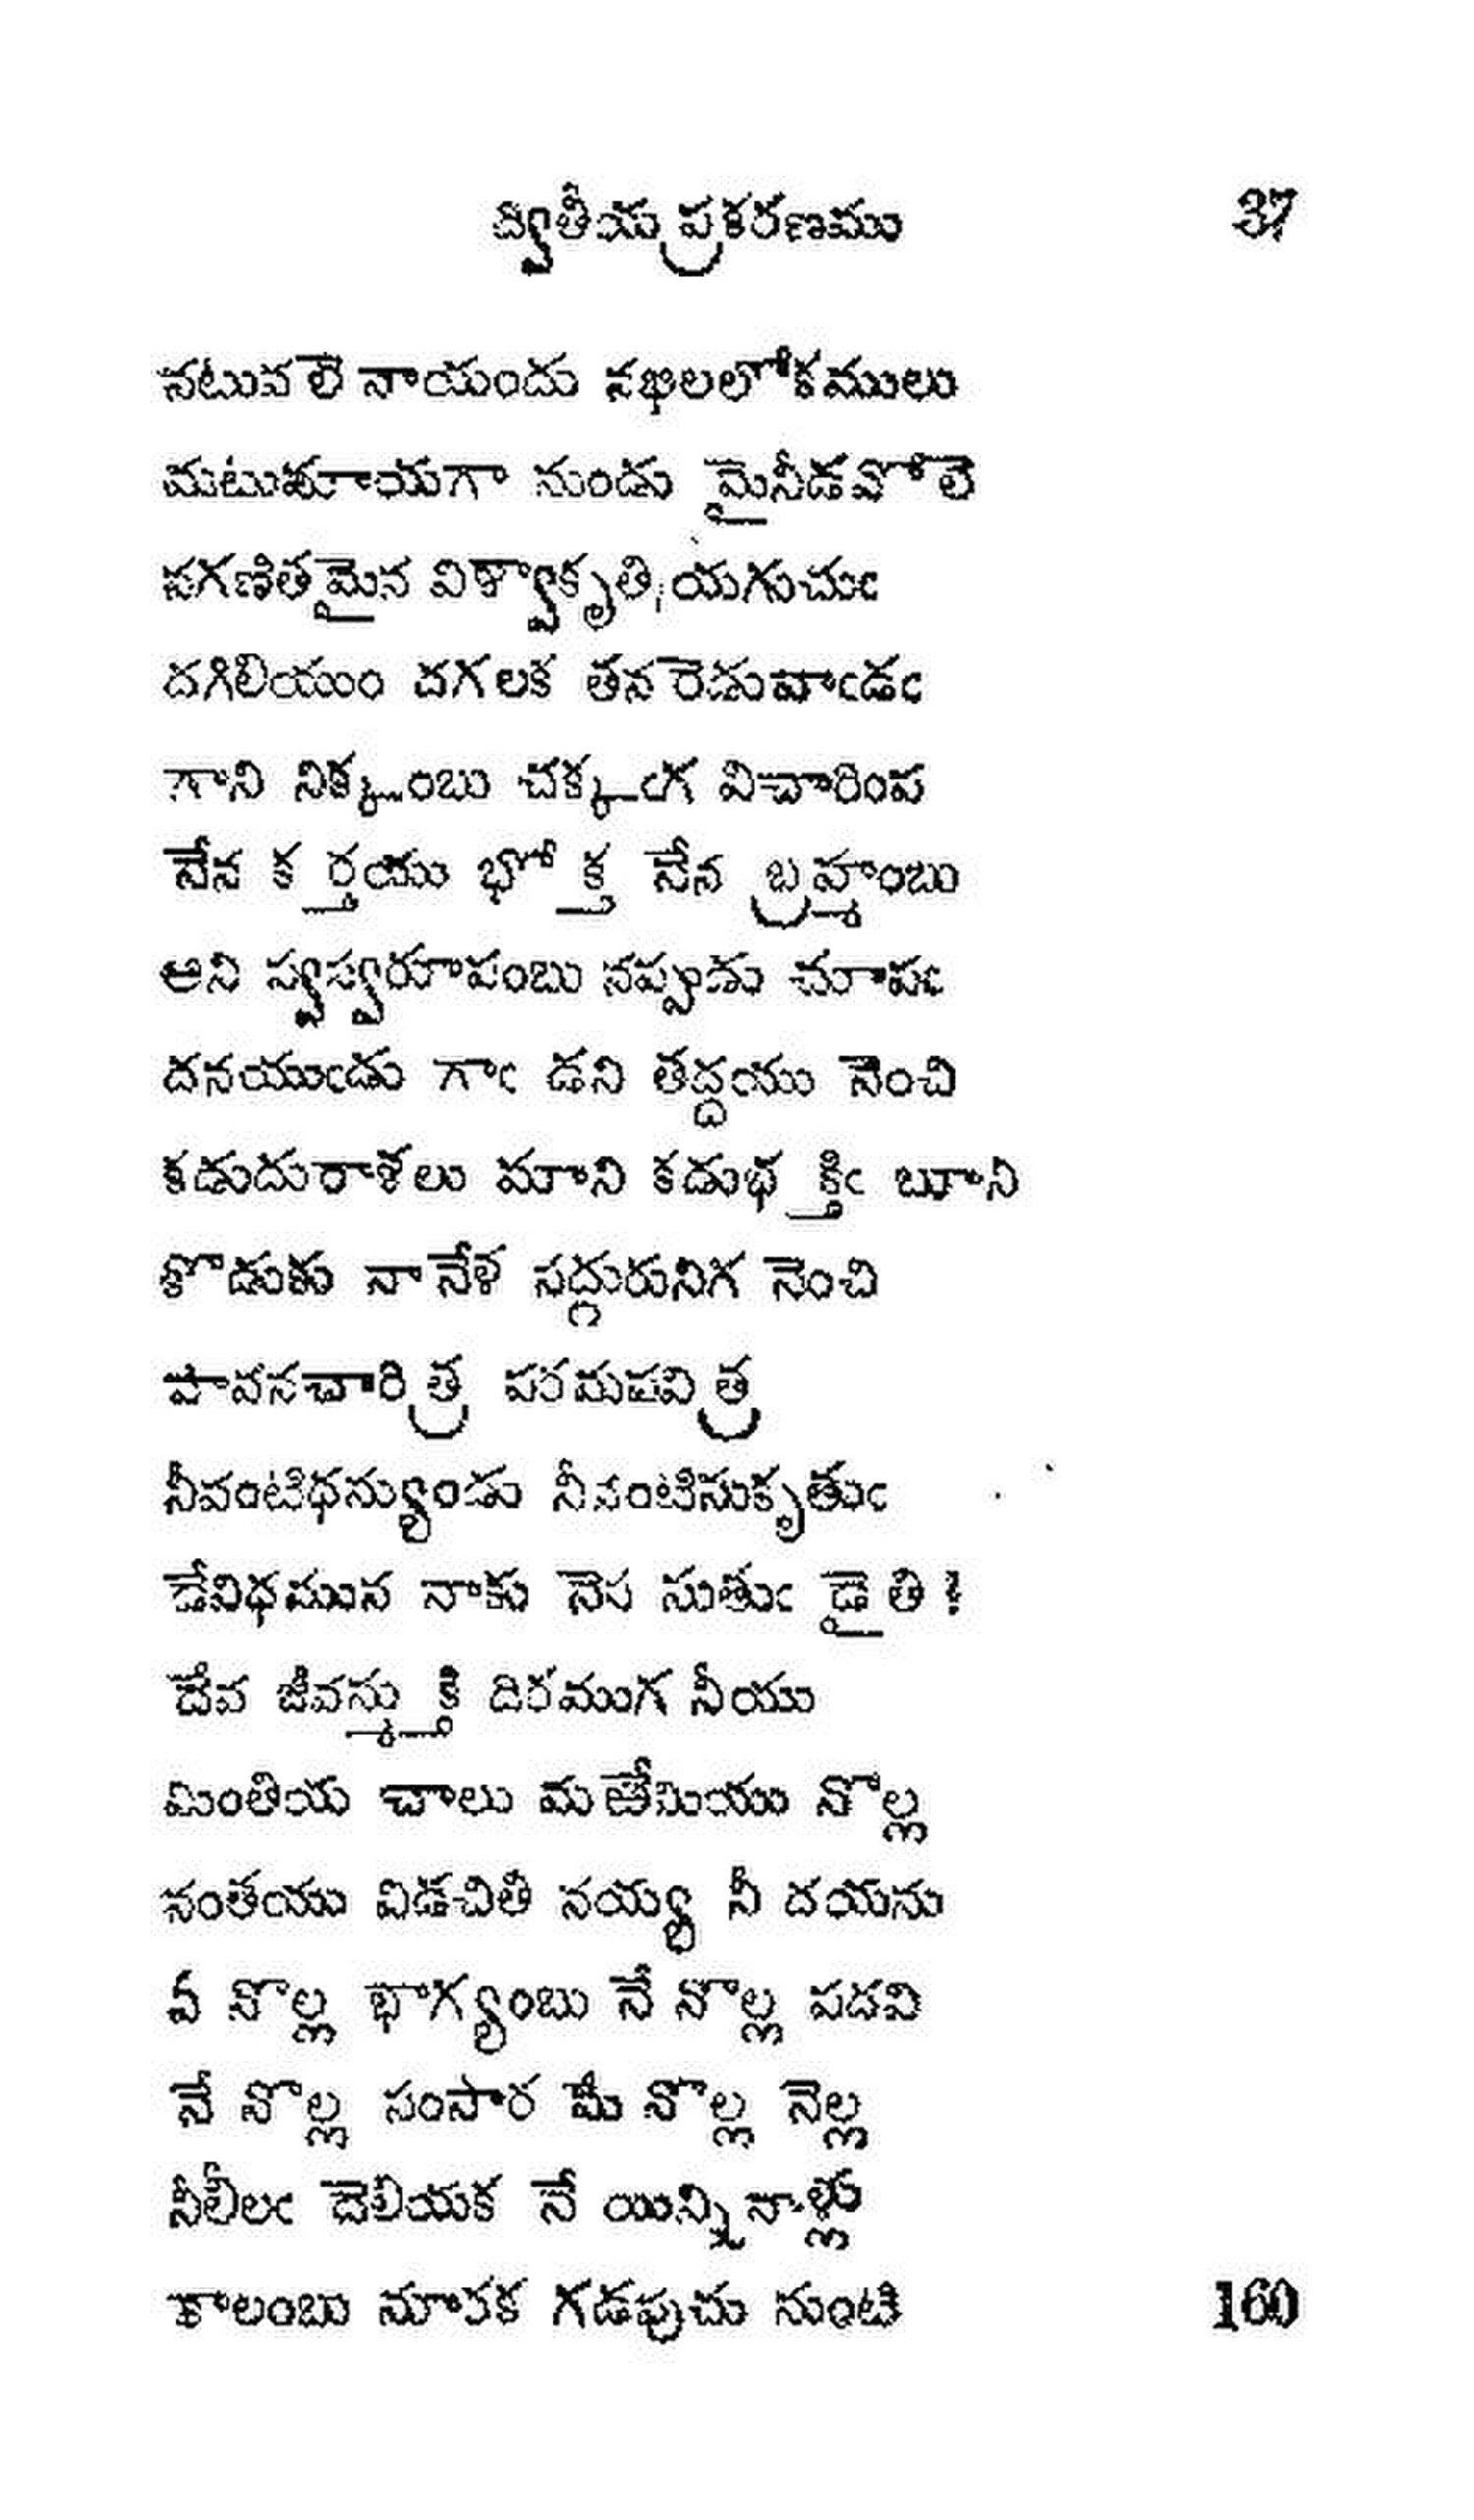నటువలె నాయందు నఖిలలోకములు
మటుమాయగా నుండు మైనీడవోలె
నగణితమైన విశ్వాకృతి యగుచుఁ
దగిలియుం దగలక తనరెడువాఁడఁ
గాని నిక్కంబు చక్కఁగ విచారింప
నేన కర్తయు భోక్త నేన బ్రహ్మంబు
అని స్వస్వరూపంబు నప్పుడు చూపఁ 
దనయుఁడు గాఁడని తద్దయు నెంచి
కడుదురాశలు మాని కడుభక్తిఁ బూని
కొడుకు నావేళ సద్గురునిగ నెంచి
పావనచారిత్ర పరమపవిత్ర
నీవంటి ధన్యుండు నీవంటి సుకృతుఁ
డేవిధమున నాకు నెస సుతుఁ డైతి?
దేవ జీవన్ముక్తి దిరముగ నీయు
మింతియ చాలు మఱేమియు నొల్ల
నంతయు విడచితి నయ్య నీ దయను
ఏ నొల్ల భాగ్యంబు నే నొల్ల పదవి
నే నొల్ల సంసార మే నొల్ల నెల్ల
నీలీలఁ దెలియక నే యిన్ని నాళ్లు
కాలంబు నూరక గడపుచు నుంటి